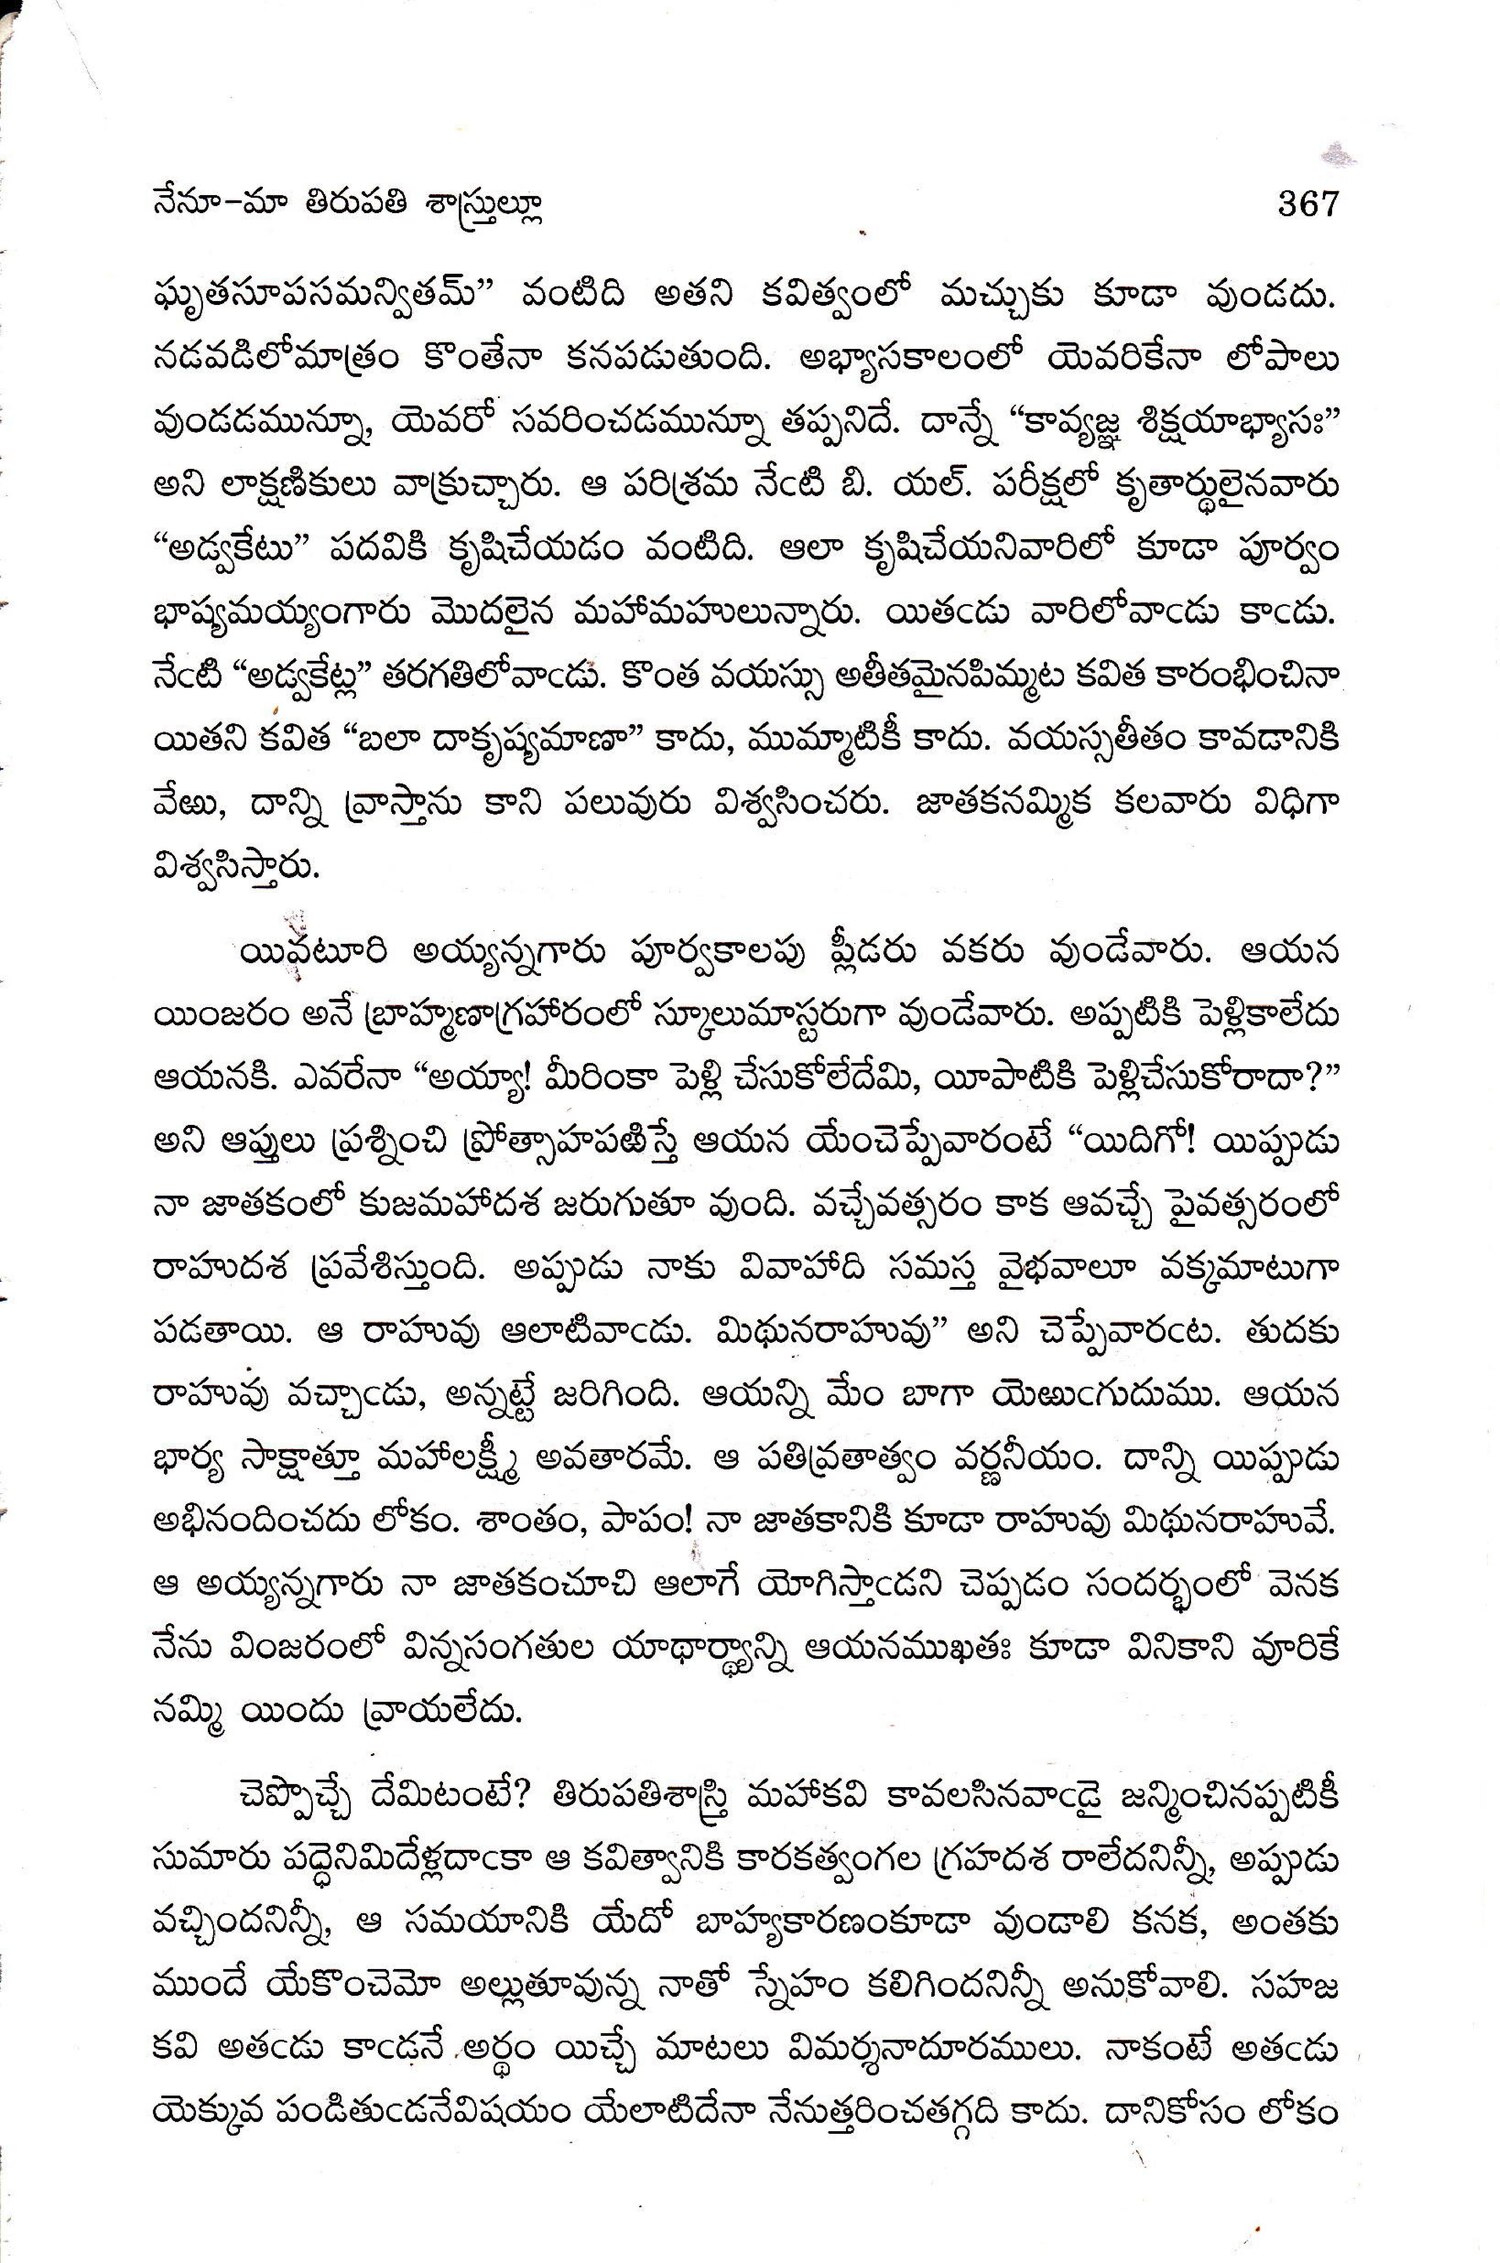ఘృతసూపసమన్వితమ్” వంటిది అతని కవిత్వంలో మచ్చుకు కూడా వుండదు. నడవడిలోమాత్రం కొంతేనా కనపడుతుంది. అభ్యాసకాలంలో యెవరికేనా లోపాలు వుండడమున్నూ, యెవరో సవరించడమున్నూ తప్పనిదే. దాన్నే “కావ్యజ్ఞ శిక్షయాభ్యాసః" అని లాక్షణికులు వాక్రుచ్చారు. ఆ పరిశ్రమ నేఁటి బి. యల్. పరీక్షలో కృతార్థులైనవారు “అడ్వకేటు" పదవికి కృషిచేయడం వంటిది. ఆలా కృషిచేయనివారిలో కూడా పూర్వం భాష్యమయ్యంగారు మొదలైన మహామహులున్నారు. యితఁడు వారిలోవాఁడు కాఁడు. నేఁటి "అడ్వకేట్ల" తరగతిలోవాఁడు. కొంత వయస్సు అతీతమైనపిమ్మట కవిత కారంభించినా యితని కవిత "బలా దాకృష్యమాణా" కాదు, ముమ్మాటికీ కాదు. వయస్సతీతం కావడానికి వేఱు, దాన్ని వ్రాస్తాను కాని పలువురు విశ్వసించరు. జాతకనమ్మిక కలవారు విధిగా విశ్వసిస్తారు.

యివటూరి అయ్యన్నగారు పూర్వకాలపు ప్లీడరు వకరు వుండేవారు. ఆయన యింజరం అనే బ్రాహ్మణాగ్రహారంలో స్కూలుమాస్టరుగా వుండేవారు. అప్పటికి పెళ్లికాలేదు ఆయనకి. ఎవరేనా "అయ్యా! మీరింకా పెళ్లి చేసుకోలేదేమి, యీపాటికి పెళ్లిచేసుకోరాదా?" అని ఆప్తులు ప్రశ్నించి ప్రోత్సాహపఱిస్తే ఆయన యేంచెప్పేవారంటే “యిదిగో యిప్పుడు నా జాతకంలో కుజమహాదశ జరుగుతూ వుంది. వచ్చేవత్సరం కాక ఆవచ్చే పైవత్సరంలో రాహుదశ ప్రవేశిస్తుంది. అప్పడు నాకు వివాహాది సమస్త వైభవాలూ వక్కమాటుగా పడతాయి. ఆ రాహువు ఆలాటివాఁడు. మిథునరాహువు" అని చెప్పేవారఁట. తుదకు రాహువు వచ్చాఁడు, అన్నట్టే జరిగింది. ఆయన్ని మేం బాగా యెఱుఁగుదుము. ఆయన భార్య సాక్షాత్తూ మహాలక్ష్మీ అవతారమే. ఆ పతివ్రతాత్వం వర్ణనీయం. దాన్ని యిప్పుడు అభినందించదు లోకం. శాంతం, పాపం! నా జాతకానికి కూడా రాహువు మిథునరాహువే. ఆ అయ్యన్నగారు నా జాతకంచూచి ఆలాగే యోగిస్తాఁడని చెప్పడం సందర్భంలో వెనక నేను వింజరంలో విన్నసంగతుల యాథార్థ్యాన్ని ఆయనముఖతః కూడా వినికాని వూరికే నమ్మి యిందు వ్రాయలేదు.

చెప్పొచ్చే దేమిటంటే? తిరుపతిశాస్త్రి మహాకవి కావలసినవాఁడై జన్మించినప్పటికీ సుమారు పద్దెనిమిదేళ్లదాఁకా ఆ కవిత్వానికి కారకత్వంగల గ్రహదశ రాలేదనిన్నీ అప్పుడు వచ్చిందనిన్నీ, ఆ సమయానికి యేదో బాహ్యకారణంకూడా వుండాలి కనక, అంతకు ముందే యేకొంచెమో అల్లుతూవున్న నాతో స్నేహం కలిగిందనిన్నీ అనుకోవాలి. సహజ కవి అతఁడు కాఁడనే అర్థం యిచ్చే మాటలు విమర్శనాదూరములు. నాకంటే అతఁడు యెక్కువ పండితుఁడనేవిషయం యేలాటిదేనా నేనుత్తరించతగ్గది కాదు. దానికోసం లోకం